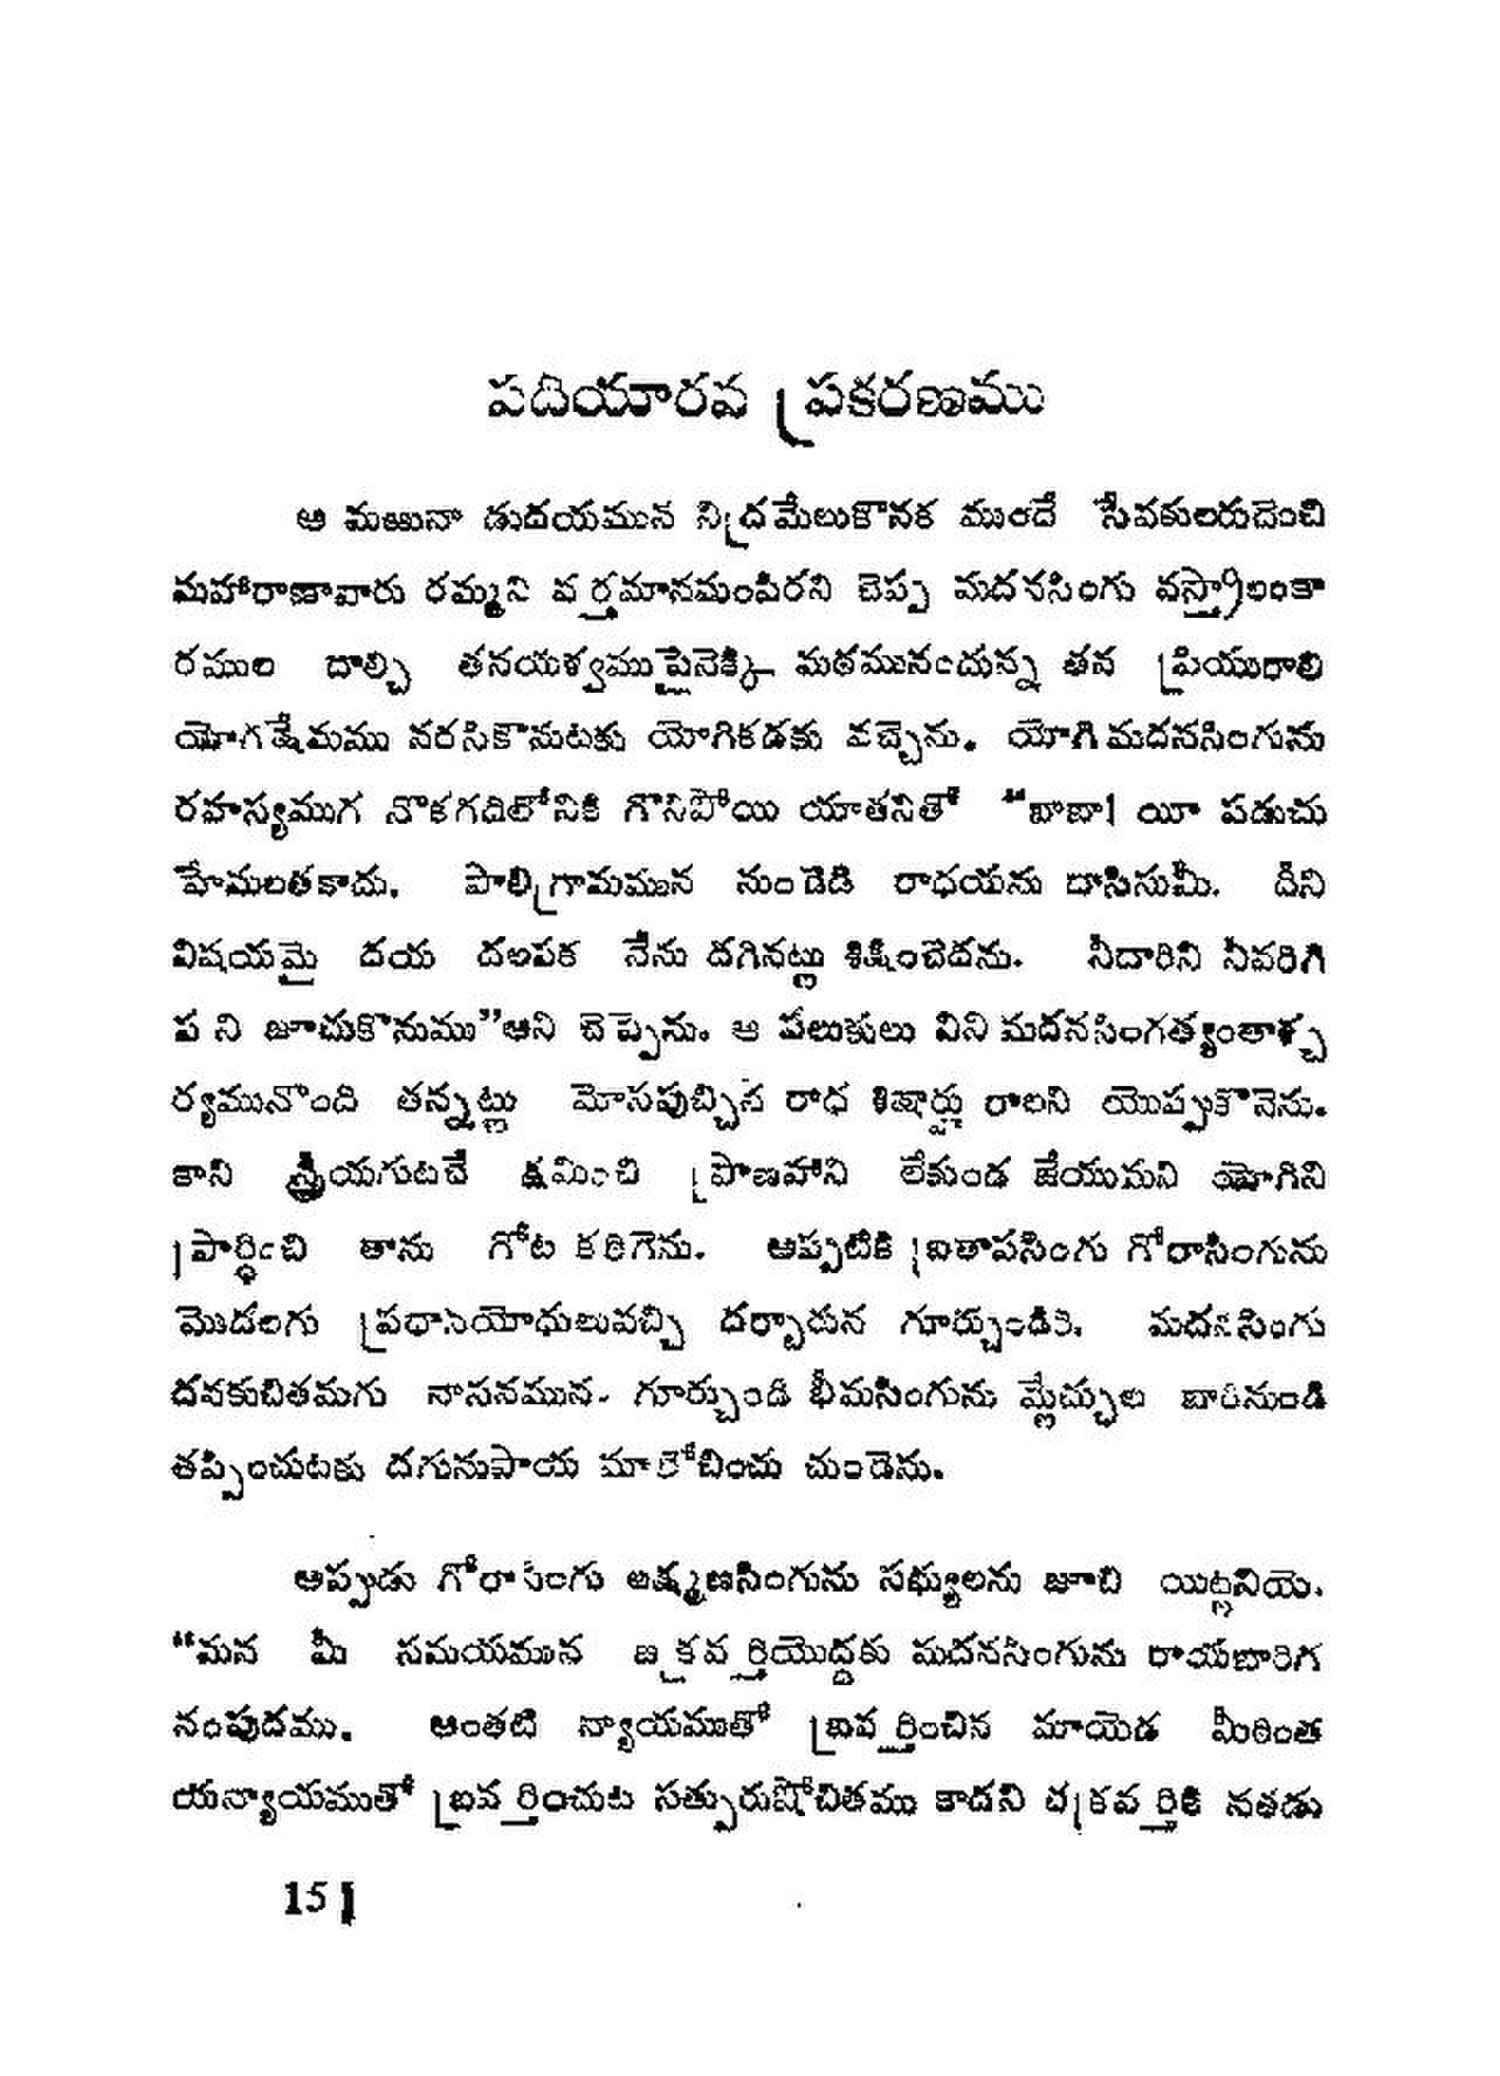ఆ మఱునా డుదయమున నిద్రమేలుకొనక ముందే సేవకులరుదెంచి మహారాణావారు రమ్మని వర్తమానమంపిరని చెప్ప మదనసింగు వస్త్రాలంకారముల దాల్చి తనయశ్వము పైనెక్కి మఠమునందున్న తన ప్రియురాలి యోగక్షేమము నరసికొనుటకు యోగికడకు వచ్చెను. యోగి మదనసింగును రహస్యముగ నొకగదిలోనికి గొనిపోయి యాతనితో “బాబా! యీ పడుచు హేమలతకాదు. పాలిగ్రామమున నుండెడి రాధయను దాసి సుమీ. దీని విషయమై దయ దలపక నేను దగినట్లు శిక్షించెదను. నీదారిని నీవరిగి పని జూచుకొనుము” అని చెప్పెను. ఆ పలుకులు విని మదనసింగత్యంతాశ్చ ర్యమునొంది తన్నట్లు మోసపుచ్చిన రాధ శిక్షార్హురాలని యొప్పుకొనెను. కాని స్త్రీయగుటచే క్షమించి ప్రాణహాని లేకుండ జేయుమని యోగిని ప్రార్థించి తాను గోట కరిగెను. అప్పటికి ప్రతాపసింగు గోరాసింగును మొదలగు ప్రధాన యోధులువచ్చి దర్బారున గూర్చుండిరి. మదనసింగు దనకుచితమగు నాసనమున గూర్చుండి భీమసింగును మ్లేచ్ఛుల బారినుండి తప్పించుటకు దగునుపాయ మాలోచించు చుండెను.

అప్పుడు గోరాసింగు లక్ష్మణసింగును సభ్యులను జూచి యిట్లనియె. “మన మీ సమయమున చక్రవర్తియొద్దకు మదనసింగును రాయబారిగ నంపుదము. అంతటి న్యాయముతో ప్రవర్తించిన మాయెడ మీరింత యన్యాయముతో ప్రవర్తించుట సత్పురుషోచితము కాదని చక్రవర్తికి నతడు